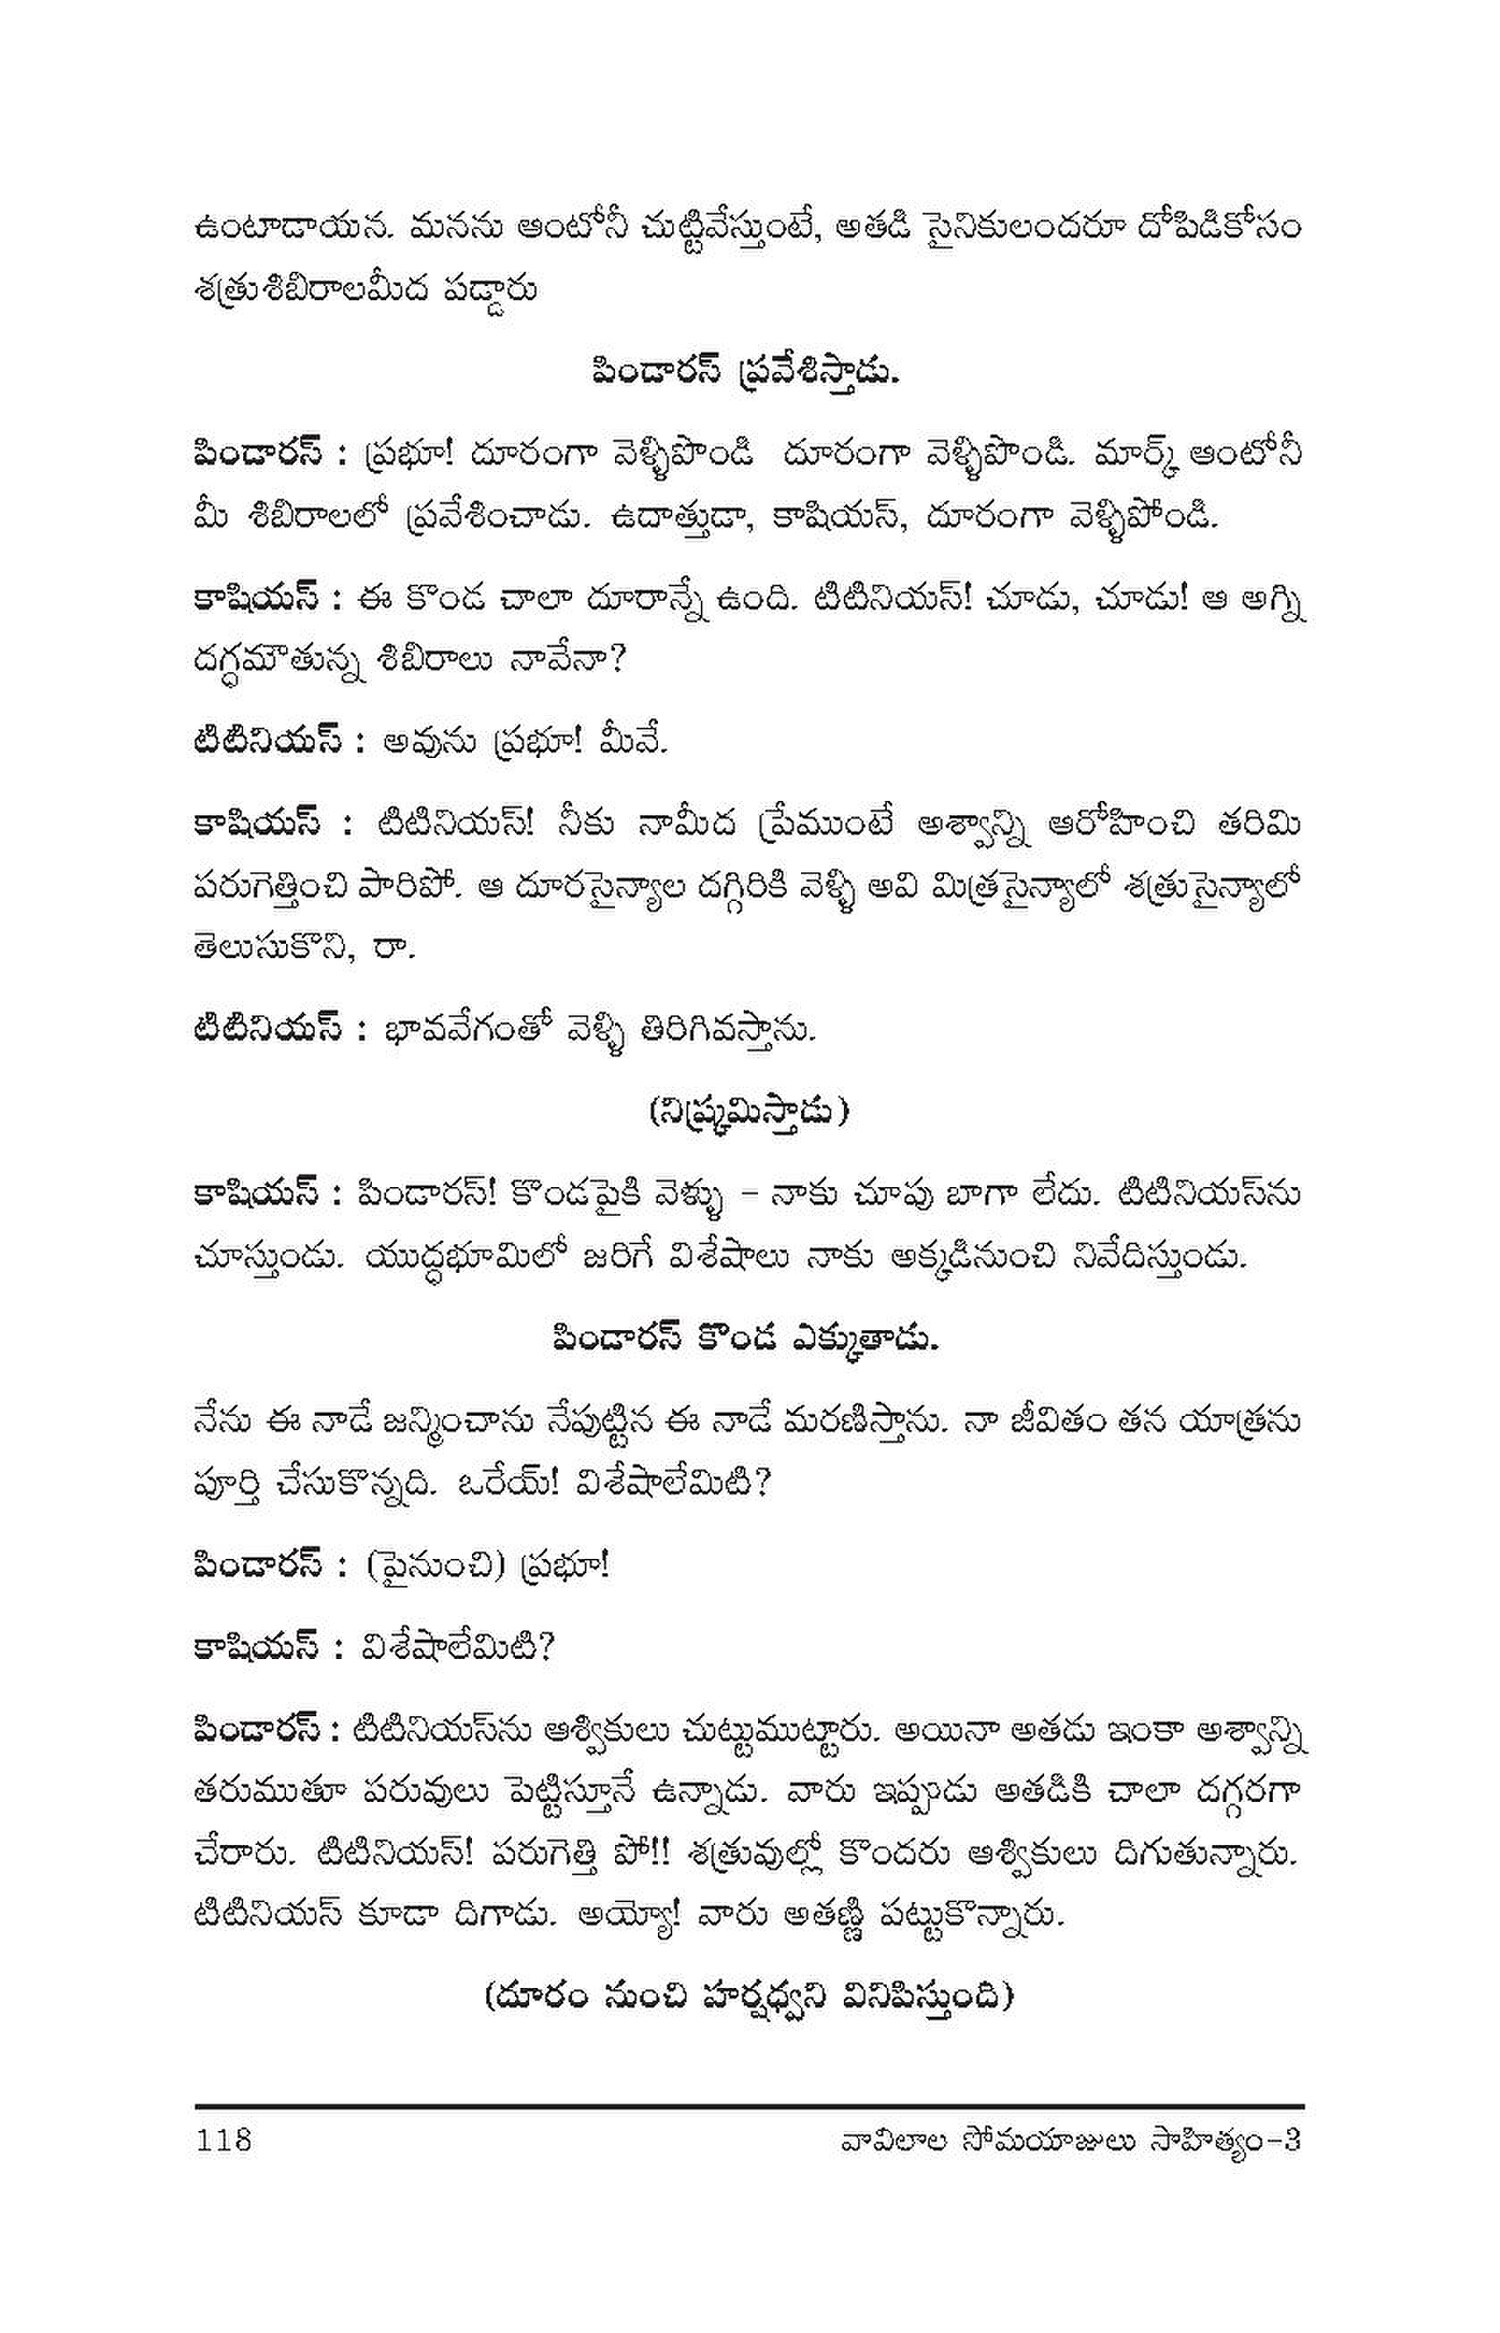ఉంటాడాయన. మనను ఆంటోనీ చుట్టివేస్తుంటే, అతడి సైనికులందరూ దోపిడికోసం శత్రుశిబిరాలమీద పడ్డారు

పిండారస్ : ప్రభూ! దూరంగా వెళ్ళిపొండి దూరంగా వెళ్ళిపొండి. మార్క్ ఆంటోనీ మీ శిబిరాలలో ప్రవేశించాడు. ఉదాత్తుడా, కాషియస్, దూరంగా వెళ్ళిపోండి.

కాషియస్ : ఈ కొండ చాలా దూరాన్నే ఉంది. టిటినియస్! చూడు, చూడు! ఆ అగ్ని దగ్ధమౌతున్న శిబిరాలు నావేనా?

టిటినియస్ : అవును ప్రభూ! మీవే.

కాషియస్ : టిటినియస్! నీకు నామీద ప్రేముంటే అశ్వాన్ని ఆరోహించి తరిమి పరుగెత్తించి పారిపో. ఆ దూరసైన్యాల దగ్గిరికి వెళ్ళి అవి మిత్రసైన్యాలో శత్రు సైన్యాలో తెలుసుకొని, రా.

టిటినియస్ : భావవేగంతో వెళ్ళి తిరిగివస్తాను.

కాషియస్ : పిండారస్! కొండపైకి వెళ్ళు - నాకు చూపు బాగా లేదు. టిటినియస్ నన్ను చూస్తుండు. యుద్ధభూమిలో జరిగే విశేషాలు నాకు అక్కడినుంచి నివేదిస్తుండు.

నేను ఈ నాడే జన్మించాను నేపుట్టిన ఈ నాడే మరణిస్తాను. నా జీవితం తన యాత్రను పూర్తి చేసుకొన్నది. ఒరేయ్! విశేషాలేమిటి?

పిండారస్ : (పైనుంచి) ప్రభూ!

కాషియస్ : విశేషాలేమిటి?

పిండారస్ : టిటినియస్ నన్ను ఆశ్వీకులు చుట్టుముట్టారు. అయినా అతడు ఇంకా అశ్వాన్ని తరుముతూ పరువులు పెట్టిస్తూనే ఉన్నాడు. వారు ఇప్పుడు అతడికి చాలా దగ్గరగా చేరారు. టిటినియస్! పరుగెత్తి పో!! శత్రువుల్లో కొందరు అశ్వికులు దిగుతున్నారు. టిటినియన్ కూడా దిగాడు. అయ్యో! వారు అతణ్ణి పట్టుకొన్నారు.